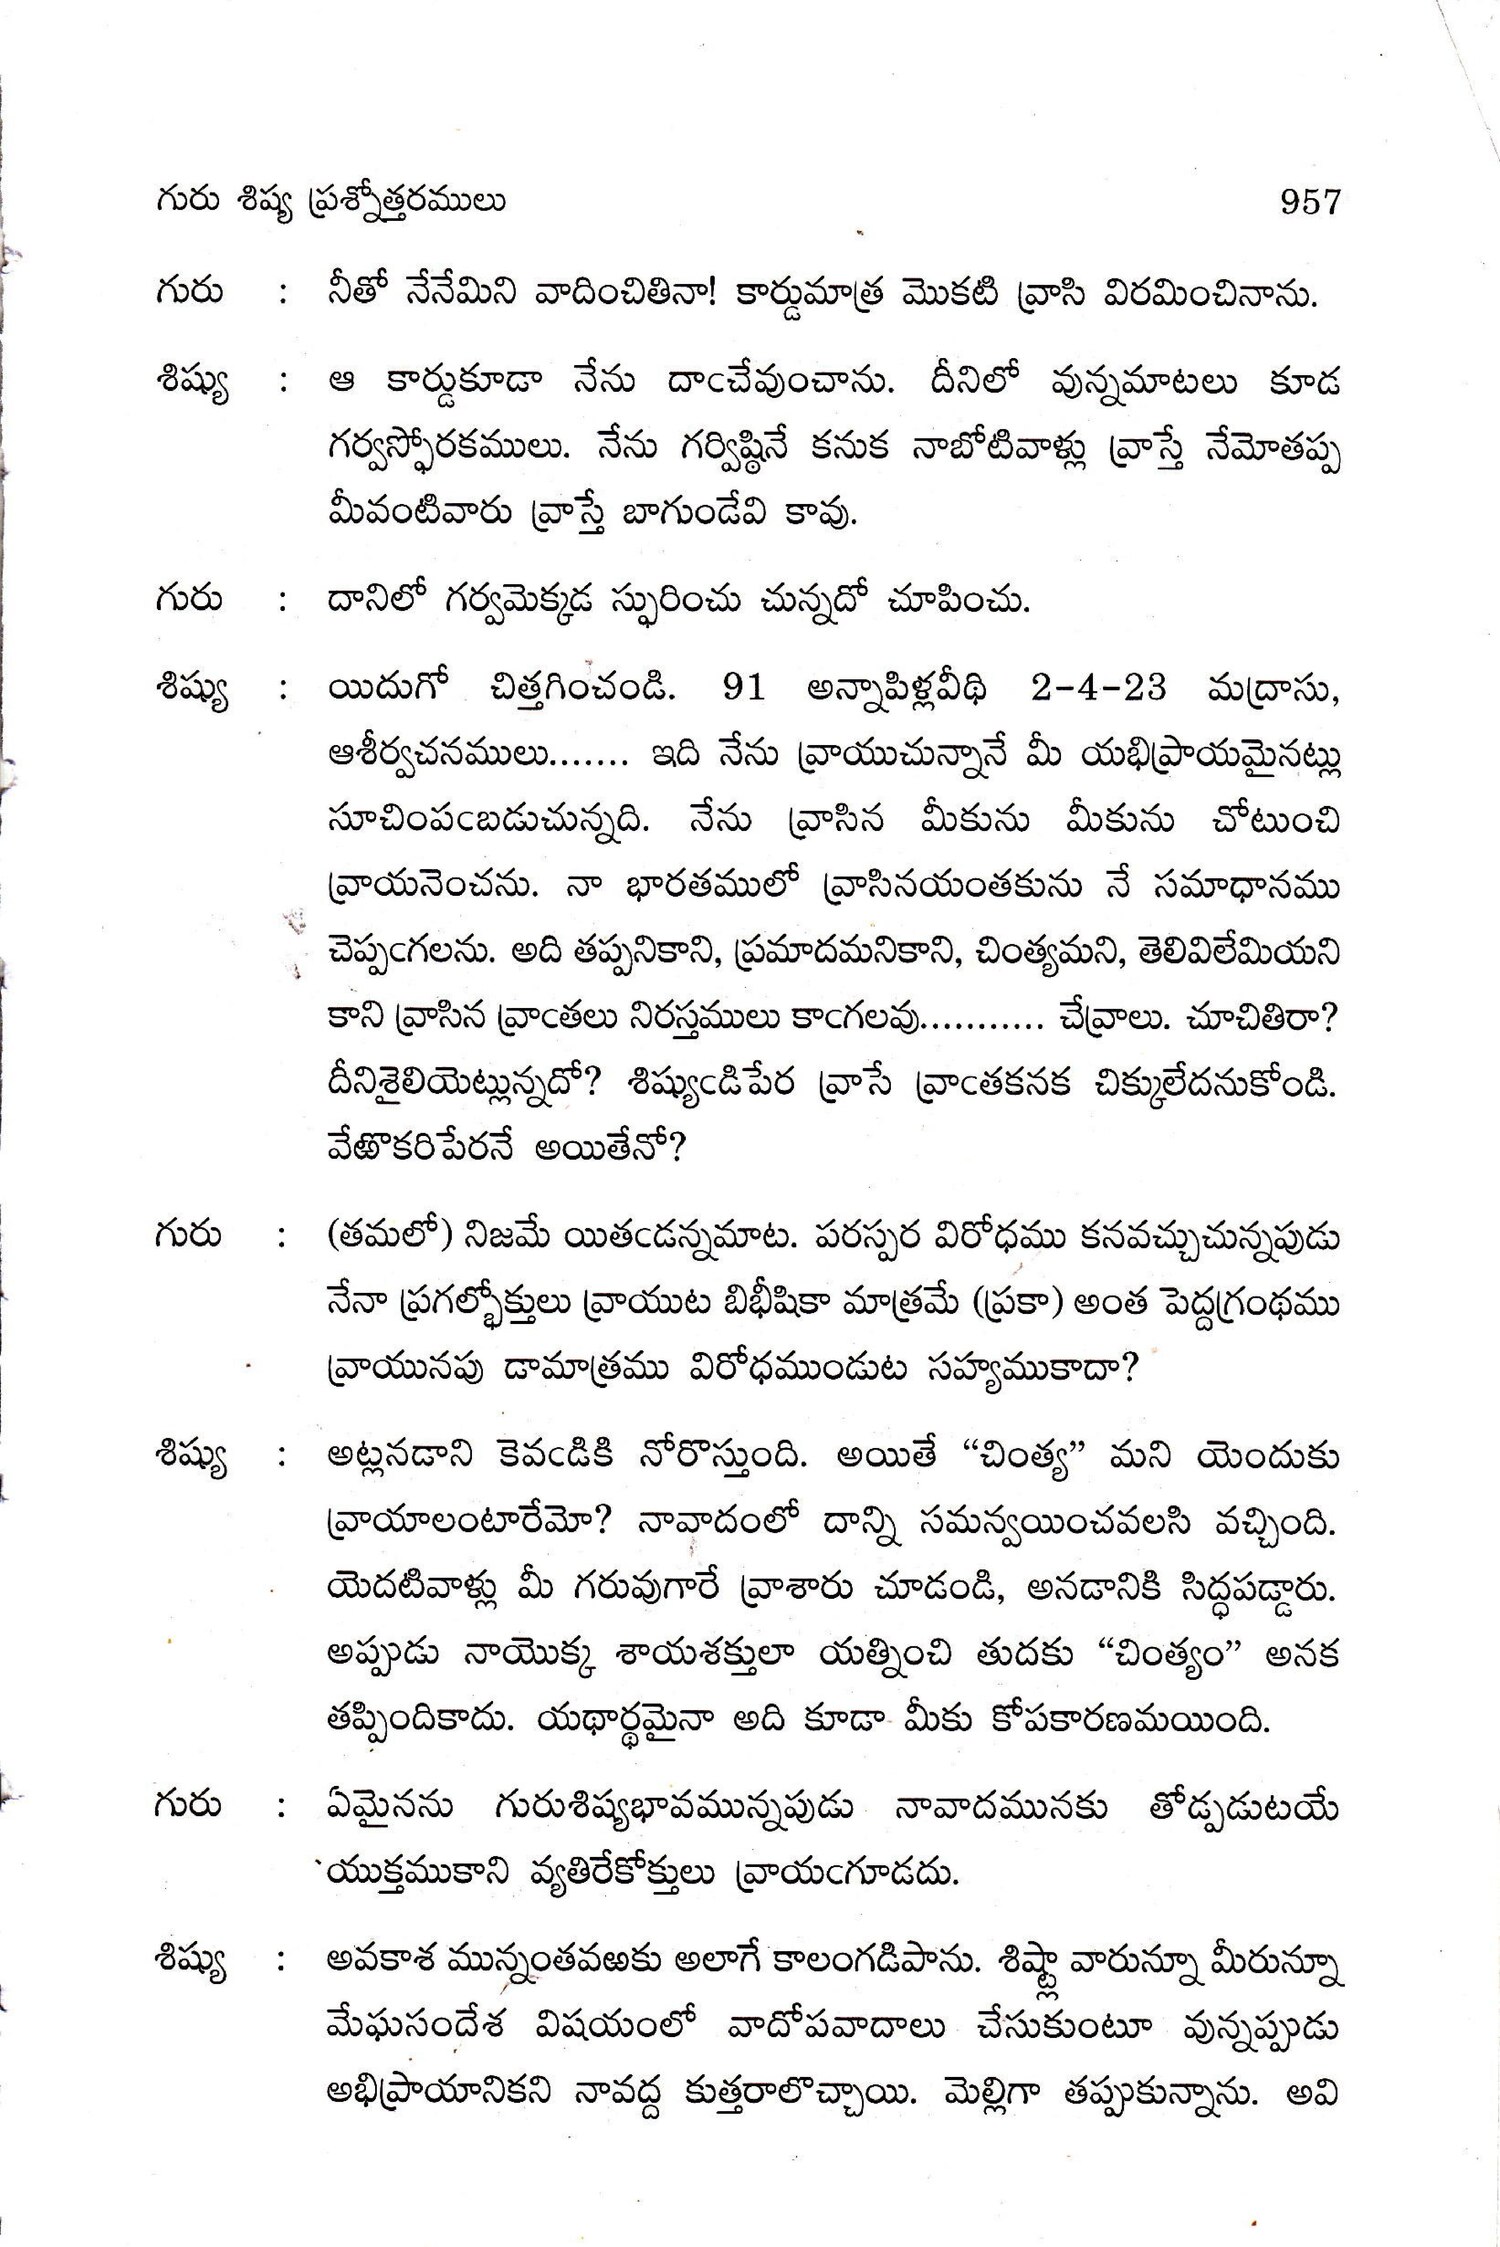గురు : నీతో నేనేమిని వాదించితినా! కార్డుమాత్ర మొకటి వ్రాసి విరమించినాను.

శిష్యు : ఆ కార్డుకూడా నేను దాఁచేవుంచాను. దీనిలో వున్నమాటలు కూడ గర్వస్ఫోరకములు. నేను గర్విష్ఠినే కనుక నాబోటివాళ్లు వ్రాస్తే నేమోతప్ప మీవంటివారు వ్రాస్తే బాగుండేవి కావు.

గురు : దానిలో గర్వమెక్కడ స్ఫురించు చున్నదో చూపించు.

శిష్యు : యిదుగో చిత్తగించండి. 91 అన్నాపిళ్లవీథి 2-4-23 మద్రాసు, ఆశీర్వచనములు....... ఇది నేను వ్రాయుచున్నానే మీ యభిప్రాయమైనట్లు సూచింపఁబడుచున్నది. నేను వ్రాసిన మీకును మీకును చోటుంచి వ్రాయనెంచను. నా భారతములో వ్రాసినయంతకును నే సమాధానము చెప్పఁగలను. అది తప్పనికాని, ప్రమాదమనికాని, చింత్యమని, తెలివిలేమియని కాని వ్రాసిన వ్రాఁతలు నిరస్తములు కాఁగలవు........... చేవ్రాలు. చూచితిరా? దీని శైలియెట్లున్నదో? శిష్యుఁడిపేర వ్రాసే వ్రాఁతకనక చిక్కులేదనుకోండి. వేఱొకరిపేరనే అయితేనో?

గురు : (తమలో) నిజమే యితఁడన్నమాట. పరస్పర విరోధము కనవచ్చుచున్నపుడు నేనా ప్రగల్భోక్తులు వ్రాయుట బిభీషికా మాత్రమే (ప్రకా) అంత పెద్దగ్రంథము వ్రాయునపు డామాత్రము విరోధముండుట సహ్యముకాదా?

శిష్యు : అట్లనడాని కెవఁడికి నోరొస్తుంది. అయితే “చింత్య" మని యెందుకు వ్రాయాలంటారేమో? నావాదంలో దాన్ని సమన్వయించవలసి వచ్చింది. యెదటివాళ్లు మీ గరువుగారే వ్రాశారు చూడండి, అనడానికి సిద్ధపడ్డారు. అప్పుడు నాయొక్క శాయశక్తులా యత్నించి తుదకు "చింత్యం” అనక తప్పిందికాదు. యథార్థమైనా అది కూడా మీకు కోపకారణమయింది.

గురు : ఏమైనను గురుశిష్యభావమున్నపుడు నావాదమునకు తోడ్పడుటయే యుక్తముకాని వ్యతిరేకోక్తులు వ్రాయఁగూడదు.

శిష్యు : అవకాశ మున్నంతవఱకు అలాగే కాలంగడిపాను. శిష్ట్లా వారున్నూ మీరున్నూ మేఘసందేశ విషయంలో వాదోపవాదాలు చేసుకుంటూ వున్నప్పుడు అభిప్రాయానికని నావద్ద కుత్తరాలొచ్చాయి. మెల్లిగా తప్పుకున్నాను. అవి